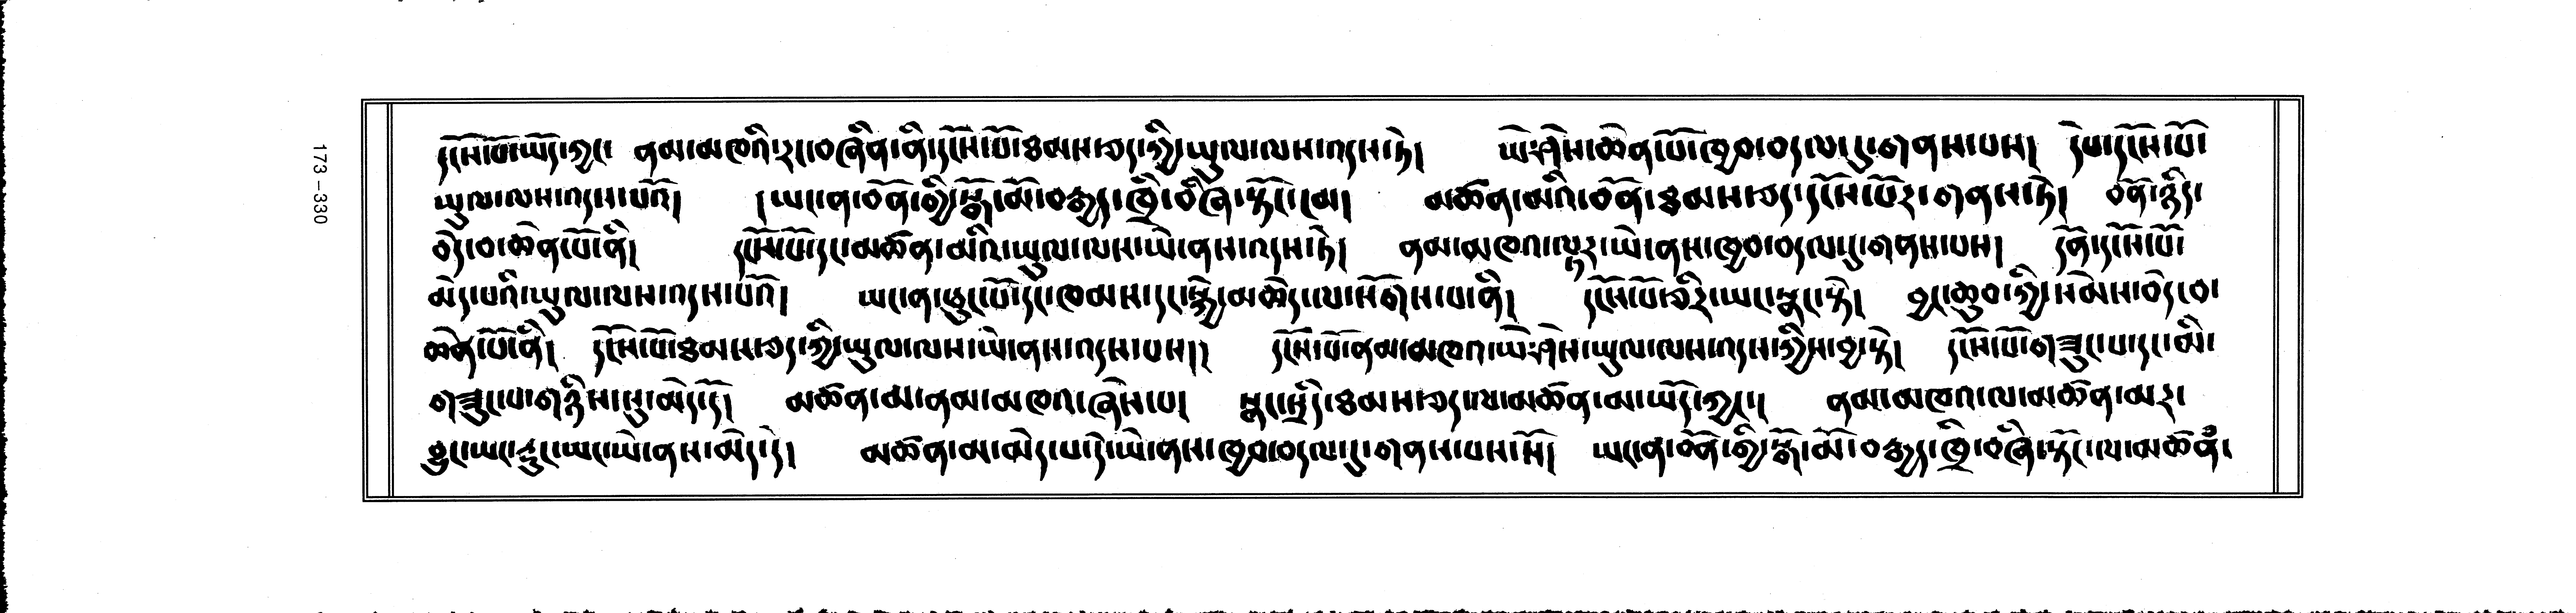དངོས་པོ་ཡོད་ཀྱང་ནམ་མཁའི་རང་བཞིན་ནི། དངོས་པོ་ཐམས་ཅད་ཀྱི་ཡུལ་ལས་འདས་ཏེ། ཡེ་ཤེས་ཆེན་པོ་ཁྱབ་བདལ་དུ་གནས་པས། དཔེ་དངོས་པོ་
ཡུལ་ལས་འདས་པའོ། །ཡང་ན་བོན་སྒོ་བརྒྱད་ཁྲི་བཞི་སྟོང་ངམ་མཚན་མའི་བོན་ཐམས་ཅད་དངོས་པོར་གནས་ཏེ། བོན་ཉིད་
བདེ་བ་ཆེན་པོ་ནི། དངོས་པོ་དང་མཚན་མའི་ཡུལ་ལས་ཡེ་ནས་འདས་ཏེ། ནམ་མཁའ་ལྟར་ཡེ་ནས་ཁྱབ་བདལ་དུ་གནས་པས། དོན་དངོས་པོ་
མེད་པའི་ཡུལ་ལས་འདས་པའོ། །ཡང་ན་ཕུང་པོ་དང་ཁམས་དང་སྐྱེ་མཆེད་ལ་སོགས་པ་ནི། དངོས་པོ་ཅིར་ཡང་སྣང་སྟེ། བྱང་ཆུབ་ཀྱི་སེམས་བདེ་བ་
ཆེན་པོ་ནི། དངོས་པོ་ཐམས་ཅད་ཀྱི་ཡུལ་ལས་ཡེ་ནས་འདས་པས། དངོས་པོ་ནམ་མཁའ་ཡེ་ཤེས་ཡུལ་ལས་འདས་ཀྱིས་བྱ་སྟེ། དངོས་པོ་གཟུང་བ་དང་མི་
གཟུང་བ་གཉིས་སུ་མེད་དོ། །མཚན་མ་ནམ་མཁའ་ཞེས་པ། སྣང་སྲིད་ཐམས་ཅད་ལ་མཚན་མ་ཡོད་ཀྱང་། ནམ་མཁའ་ལ་མཚན་མར་
བྱུང་ཡང་རུང་ཡང་ཡེ་ནས་མེད་དེ། མཚན་མ་མེད་པ་དེ་ཡེ་ནས་ཁྱབ་བདལ་དུ་གནས་པས་སོ། །ཡང་ན་བོན་གྱི་སྒོ་མོ་བརྒྱད་ཁྲི་བཞི་སྟོང་ལ་མཚན་མ་